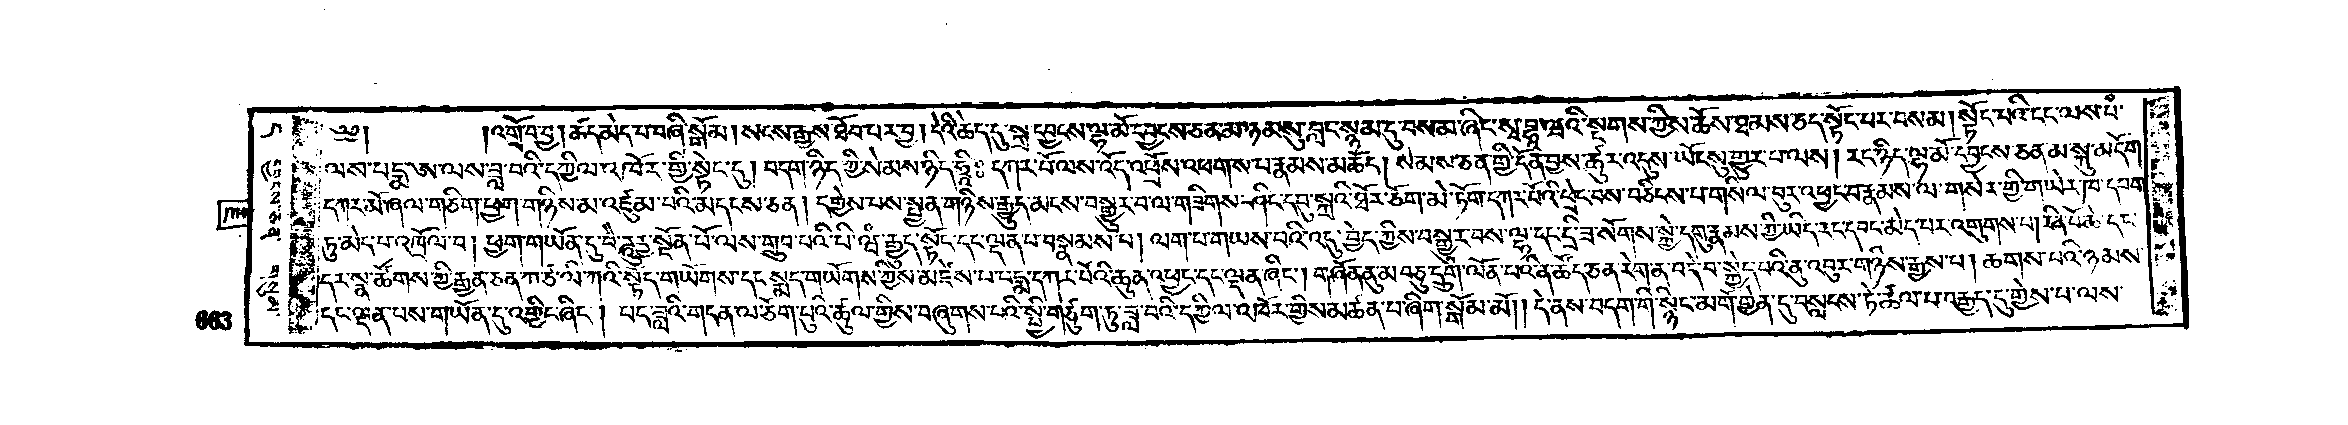༄༅། །འགྲོ་བ་བྱ། ཚད་མེད་པ་བཞི་སྒོམ། སངས་རྒྱས་ཐོབ་པར་བྱ། དེའི་ཆེད་དུ་སྒྲ་དབྱངས་ལྷ་མོ་དབྱངས་ཅན་མ་ཉམས་སུ་བླང་སྙམ་དུ་བསམ་ཞིང་སྭ་བྷཱ་ཝའི་སྔགས་ཀྱིས་ཆོས་ཐམས་ཅད་སྟོང་པར་བསམ། སྟོང་པའི་ངང་ལས་པཾ་
ལས་པདམ་ཨ་ལས་ཟླ་བའི་དཀྱིལ་འཁོར་གྱི་སྟེང་དུ། བདག་ཉིད་ཀྱི་སེམས་ཉིད་ཧྲཱིཿ དཀར་པོ་ལས་འོད་འཕྲོས་འཕགས་པ་རྣམས་མཆོད། སེམས་ཅན་གྱི་དོན་བྱས་ཚུར་འདུས་ཡོངས་སུ་གྱུར་པ་ལས། རང་ཉིད་ལྷ་མོ་དབྱངས་ཅན་མ་སྐུ་མདོག་
དཀར་མོ་ཞལ་གཅིག་ཕྱག་གཉིས་མ་འཛུམ་པའི་མདངས་ཅན། དགྱེས་པས་སྤྱན་གཉིས་རྒྱུད་མདངས་ཅན། དགྱེས་པས་སྤྱན་གཉིས་རྒྱུད་མངས་བསྒྱུར་བ་ལ་གཟིགས་ཤིང་དབུ་སྐྲའི་ཐོར་ཅོག་མེ་ཏོག་དཀར་པོའི་ཕྲེང་བས་བཅིངས་པ་གསིལ་བུར་འཕྱང་བ་རྣམས་ལ་གསེར་གྱི་གཡེར་ཁ་དཔག་
ཏུ་མེད་པ་འཁྲོལ་བ། ཕྱག་གཡོན་དུ་བཻ་ཌཱུ་རཡ་སྔོན་པོ་ལས་གྲུབ་པའི་པི་ཝཾ་རྒྱུད་སྟོང་དང་ལྡན་པ་བསྣམས་པ། ལག་པ་གཡས་པའི་འདུ་བྱེད་ཀྱིས་བསྒྱུར་བས་ལྷ་དང་དྲི་ཟ་སོགས་སྐྱེ་དགུ་རྣམས་ཀྱི་ཡིད་རང་དབང་མེད་པར་འགུགས་པ། རིན་པོ་ཆེ་དང་
དར་སྣ་ཚོགས་ཀྱི་རྒྱན་ཅན་ཀ་ཙ་ལི་ཀའི་སྟོད་གཡོགས་དང་སྨད་གཡོགས་ཀྱིས་མཛེས་པ་པདམ་དཀར་པོའི་ཆུན་འཕྱང་དང་ལྡན་ཞིང་། གཞོན་ནུ་མ་བཅུ་དྲུག་ལོན་པའི་ན་ཚོད་ཅན་རེག་ན་བདེ་བ་སྐྱེད་པའི་ནུ་འབུར་གཉིས་རྒྱས་པ། ཆགས་པའི་ཉམས་
དང་ལྡན་པས་གཡོན་དུ་འགྱིང་ཞིང་། པད་ཟླའི་གདན་ལ་ཅོག་པུའི་ཚུལ་གྱིས་བཞུགས་པའི་སྤྱི་གཙུག་ཏུ་ཟླ་བའི་དཀྱིལ་འཁོར་གྱིས་མཚན་པ་ཞིག་སྒོམ་མོ། །དེ་ནས་བདག་གི་སྙིང་མགོ་གྱེན་དུ་བསླངས་ཏེ་ཚལ་པ་བརྒྱད་དུ་གྱེས་པ་ལས་